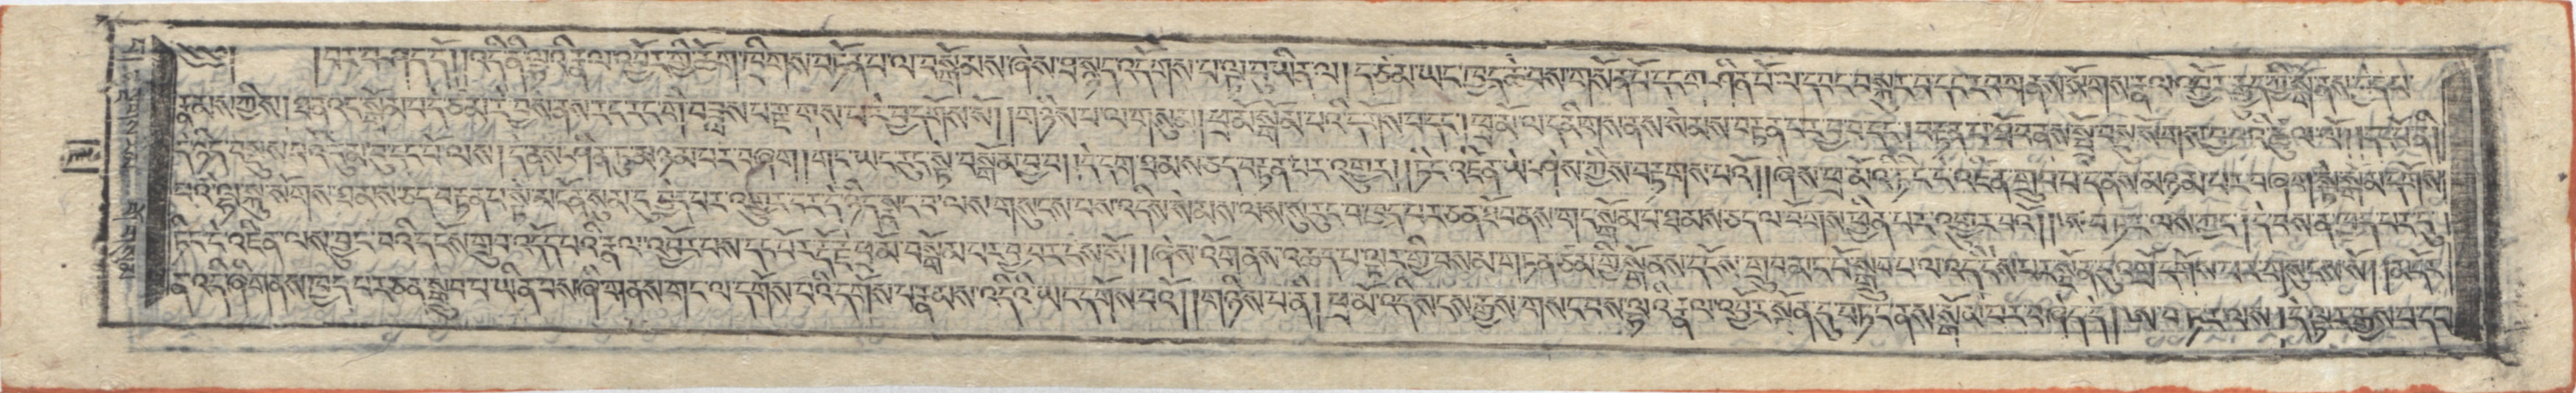༄༅། །བར་བཤད་དོ། །འདི་ནི་ལྷའི་རྣལ་འབྱོར་གྱི་ཆོག་ཁྲིགས་བཏོན་པ་ལ་བསྒོམས་ཞེས་ཐ་སྙད་འདོགས་པ་ལྟ་བུ་ཡིན་ལ། དེ་ཙམ་ཡང་ཁྱད་ཆེ་བས་གསོན་པོ་དང་གཤིན་པོ་ལ་དབང་བསྐུར་བ་དང་རབ་གནས་སོགས་རྣལ་འབྱོར་རྒྱུད་ཀྱི་སྒོ་ནས་བྱེད་པ་
རྣམས་ཀྱིས། ཐ་ནའང་སྒོམ་པ་དེ་ཙམ་རེ་བྱས་ནས་རང་རང་གི་བཟླས་པ་རྫོགས་པར་བྱ་དགོས་སོ། །གཉིས་པ་ལ་གསུམ། ཕྲ་མོ་སྒོམ་པའི་དགོས་པ་དང་། ཕྲ་མོ་ལ་དམིགས་ནས་སེམས་བརྟན་པར་བྱ་བ་དང་། བརྟན་པ་ཐོབ་ནས་སྤྲོ་བསྡུ་སོགས་བྱ་བའི་ཚུལ་ལོ། །དང་པོ་ནི།
དེ་ཉིད་བསྡུས་པའི་དུམ་བུ་དང་པོ་ལས། དེ་ནས་ཤིན་ཏུ་མཉམ་པར་བཞག །གང་ཡང་རུང་སྟེ་བསྒོམ་བྱ་བ། །དེ་དག་ཐམས་ཅད་བརྟན་པར་འགྱུར། །ཏིང་འཛིན་ཡེ་ཤེས་ཀྱིས་བརྟགས་པའོ། །ཞེས་ཕྲ་མོའི་ཏིང་ངེ་འཛིན་གྲུབ་པ་དེ་ནས་མཉམ་པར་བཞག་སྟེ་སྒོམ་དགོས་
པའི་ལྷ་སྐུ་སོགས་ཐམས་ཅད་བརྟན་པ་སྟེ་མངོན་སུམ་དུ་བྱེད་པར་འགྱུར་བར་དེ་ཉིད་སྣང་བ་ལས་གསུངས་པས་འདིས་སེམས་ལས་སུ་རུང་བ་ཁྱད་པར་ཅན་ཐོབ་ནས་གང་སྒོམ་པ་ཐམས་ཅད་ལ་བོགས་ཕྱིན་པར་འགྱུར་བའོ། །ཨ་བ་ཏ་ར་ལས་ཀྱང་། དེ་བས་ན་ཁྱད་པར་དུ་
ཏིང་ངེ་འཛིན་ལས་བྱུང་བའི་དངོས་གྲུབ་འདོད་པའི་རྣལ་འབྱོར་པས་དང་པོར་རྡོ་རྗེ་ཕྲ་མོ་བསྒོམ་པར་བྱ་བར་ངེས་སོ། །ཞེས་འོག་ནས་འཆད་པ་ལྟར་གྱི་བསམ་གཏན་ཙམ་གྱི་སྒོ་ནས་དངོས་གྲུབ་མང་པོ་སྒྲུབ་པ་ལ་འདི་ངེས་པར་སྔོན་དུ་འགྲོ་དགོས་པར་གསུངས་སོ། །མདོར་
ན་འདི་ཞི་གནས་ཁྱད་པར་ཅན་སྒྲུབ་པ་ཡིན་པས་ཞི་གནས་གང་ལ་དགོས་པའི་དགོས་པ་རྣམས་འདིའི་ཡང་དགོས་པའོ། །གཉིས་པ་ནི། ཕྲ་མོ་འདི་སངས་རྒྱས་གསང་བས་ལྷའི་རྣལ་འབྱོར་སྔོན་དུ་བཏང་ནས་སྒོམ་པར་བཞེད་དེ། ཨ་བ་ཏ་ར་ལས། དེ་ལྟར་རྒྱས་པ་དང་།